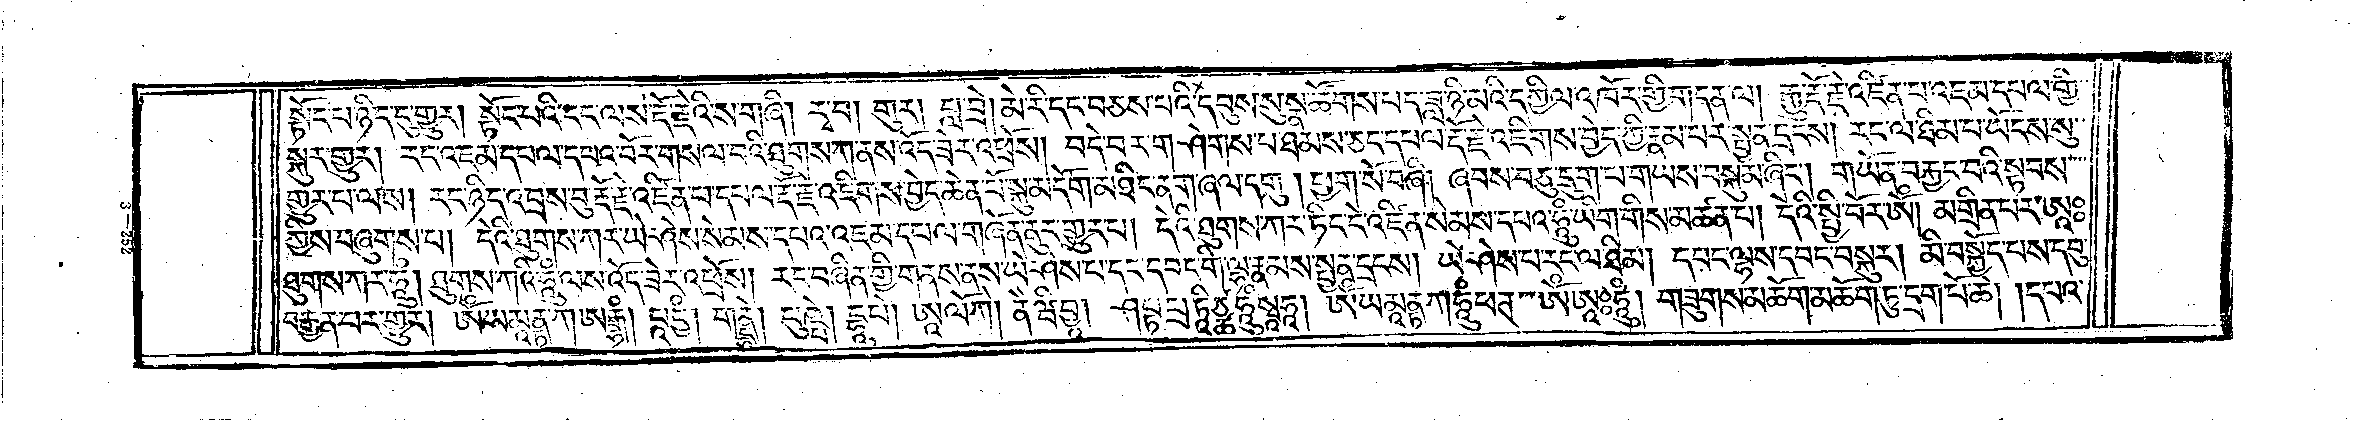སྟོང་པ་ཉིད་དུ་གྱུར། སྟོང་པའི་ངང་ལས་རྡོ་རྗེའི་ས་གཞི། རྭ་བ། གུར། བླ་བྲེ། མེ་རི་དང་བཅས་པའི་དབུས་སུ་སྣ་ཚོགས་པད་ཟླ་ཉི་མའི་དཀྱིལ་འཁོར་གྱི་གདན་ལ། རྒྱུ་རྡོ་རྗེ་འཛིན་པ་འཇམ་དཔལ་གྱི་
སྐུར་གྱུར། རང་འཇམ་དཔལ་དཔའ་བོར་གསལ་བའི་ཐུགས་ཀ་ནས་འོད་ཟེར་འཕྲོས། བདེ་བར་གཤེགས་པ་ཐམས་ཅད་དཔལ་རྡོ་རྗེ་འཇིགས་བྱེད་ཀྱི་རྣམ་པར་སྤྱན་དྲངས། རང་ལ་ཐིམ་པ་ཡོངས་སུ་
གྱུར་པ་ལས། རང་ཉིད་འབྲས་བུ་རྡོ་རྗེ་འཛིན་པ་དཔལ་རྡོ་རྗེ་འཇིགས་བྱེད་ཆེན་པོ་སྐུ་མདོག་མཐིང་ནག་ཞལ་དགུ། ཕྱག་སོ་བཞི། ཞབས་བཅུ་དྲུག་པ་གཡས་བསྐུམ་ཞིང་། གཡོན་བརྐྱང་བའི་སྟབས་
ཀྱིས་བཞུགས་པ། དེའི་ཐུགས་ཀར་ཡེ་ཤེས་སེམས་དཔའ་འཇམ་དཔལ་གཞོན་ནུར་གྱུར་པ། དེའི་ཐུགས་ཀར་ཏིང་ངེ་འཛིན་སེམས་དཔའ་ཧཱུཾ་ཡིག་གིས་མཚན་པ། དེའི་སྤྱི་བོར་ཨོཾ། མགྲིན་པར་ཨཱཿ
ཐུགས་ཀར་ཧཱུཾ། ཐུགས་ཀའི་ཧཱུཾ་ལས་འོད་ཟེར་འཕྲོས། རང་བཞིན་གྱི་གནས་ནས་ཡེ་ཤེས་པ་དང་དབང་གི་ལྷ་རྣམས་སྤྱན་དྲངས། ཡེ་ཤེས་པ་རང་ལ་ཐིམ། དབང་ལྷས་དབང་བསྐུར། མི་བསྐྱོད་པས་དབུ་
བརྒྱན་པར་གྱུར། ཨོཾ་ཡ་མཱནྟ་ཀ་ཨརྒྷཾ། པཱདྱཾ། གནྡྷེ། དུ་ཥྤེ། ཨཱ་ལོ་ཀེ། ནཻ་ཝི་བྱཱ། ཤཔྟ་པྲ་ཏཱིཙྪ་ཧཱུཾ་སྭཱ་ཧཱ། ཨོཾ་ཡ་མཱནྟ་ཀ་ཧཱུཾ་ཕཌ་ཨོཾ་ཨཱཿཧཱུཾ། གཟུགས་མཆོག་མཆོག་ཏུ་དྲག་པོ་ཆེ། །དཔའ་